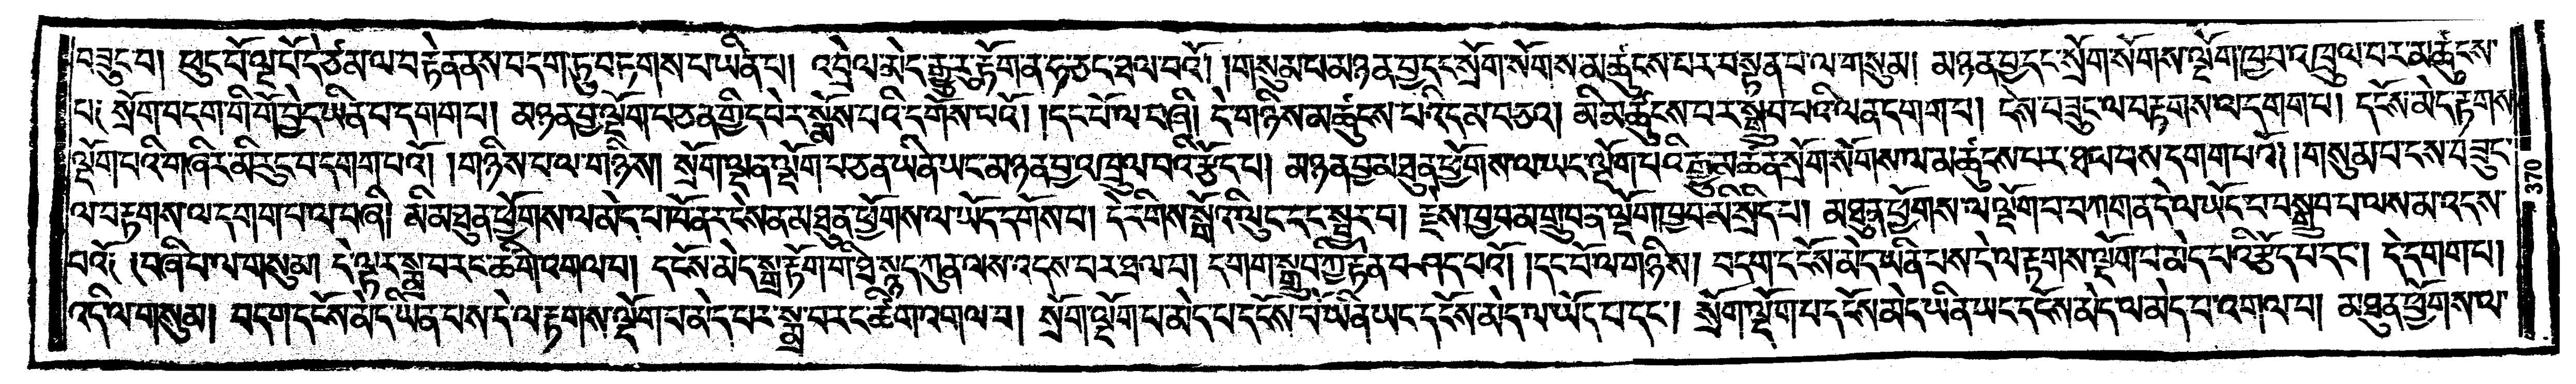བཟུང་བ། ཕུང་པོ་ལྔ་པོ་དེ་ཙམ་ལ་བརྟེན་ནས་བདག་ཏུ་བཏགས་པ་ཡིན་པ། འབྲེལ་མེད་རྒྱུ་རུ་རྟོག་ན་ཧ་ཅང་ཐལ་བའོ། །གསུམ་པ་མཉན་བྱ་དང་སྲོག་སོགས་མཚུངས་པར་བསྟན་པ་ལ་གསུམ། མཉན་བྱ་དང་སྲོག་སོགས་ལྡོག་ཁྱབ་འཁྲུལ་བར་མཚུངས་
པ། སྲོག་བདག་གི་གོ་བྱེད་ཡིན་པ་དགག་པ། མཉན་བྱ་ལྡོག་པ་ཅན་གྱི་དཔེར་སྨོས་པའི་དགོས་པའོ། །དང་པོ་ལ་བཞི། དེ་གཉིས་མཚུངས་པའི་དམ་བཅའ། མི་མཚུངས་པར་སྒྲུབ་པའི་ལན་དགག་པ། དེས་བཟུང་ལ་བརྟགས་ལ་དགག་པ། དངོས་མེད་རྟགས་
ལྡོག་པའི་གཞིར་མི་རུང་བ་དགག་པའོ། །གཉིས་པ་ལ་གཉིས། སྲོག་ལྡན་ལྡོག་པ་ཅན་ཡིན་ཡང་མཉན་བྱ་འཁྲུལ་བའི་རྩོད་པ། མཉན་བྱ་མཐུན་ཕྱོགས་ལ་ཡང་ལྡོག་པའི་རྒྱུ་མཚན་སྲོག་སོགས་ལ་མཚུངས་པར་ཐལ་བས་དགག་པའོ། །གསུམ་པ་ངས་བཟུང་
ལ་བརྟགས་ལ་དགག་པ་ལ་བཞི། མི་མཐུན་ཕྱོགས་ལ་མེད་པ་ཁོ་ནར་ངེས་ན་མཐུན་ཕྱོགས་ལ་ཡོད་དགོས་པ། དེ་རིགས་སྒོའི་ལུང་དང་སྦྱར་བ། རྗེས་ཁྱབ་མ་གྲུབ་ན་ལྡོག་ཁྱབ་མི་སྲིད་པ། མཐུན་ཕྱོགས་ལ་ལྡོག་པ་བཀག་ན་དེ་ལ་ཡོད་པ་བསྒྲུབ་པ་ལས་མ་འདས་
པའོ། །བཞི་པ་ལ་གསུམ། དེ་ལྟར་སྨྲ་བ་རང་ཚིག་འགལ་བ། དངོས་མེད་སྒྲ་རྟོག་གི་ཐ་སྙད་ཀུན་ལས་འདས་པར་ཐལ་བ། དགག་སྒྲུབ་ཀྱི་རྟེན་བཤད་པའོ། །དང་པོ་ལ་གཉིས། བདག་དངོས་མེད་ཡིན་པས་དེ་ལ་རྟགས་ལྡོག་པ་མེད་པའི་རྩོད་པ་དང་། དེ་དགག་པ།
འདི་ལ་གསུམ། བདག་དངོས་མེད་ཡིན་པས་དེ་ལ་རྟགས་ལྡོག་པ་མེད་པར་སྨྲ་བ་རང་ཚིག་འགལ་བ། སྲོག་ལྡོག་པ་མེད་པ་དངོས་པོ་ཡིན་ཡང་དངོས་མེད་ལ་ཡོད་པ་དང་། སྲོག་ལྡོག་པ་དངོས་མེད་ཡིན་ཡང་དངོས་མེད་ལ་མེད་པ་འགལ་བ། མཐུན་ཕྱོགས་ལ་